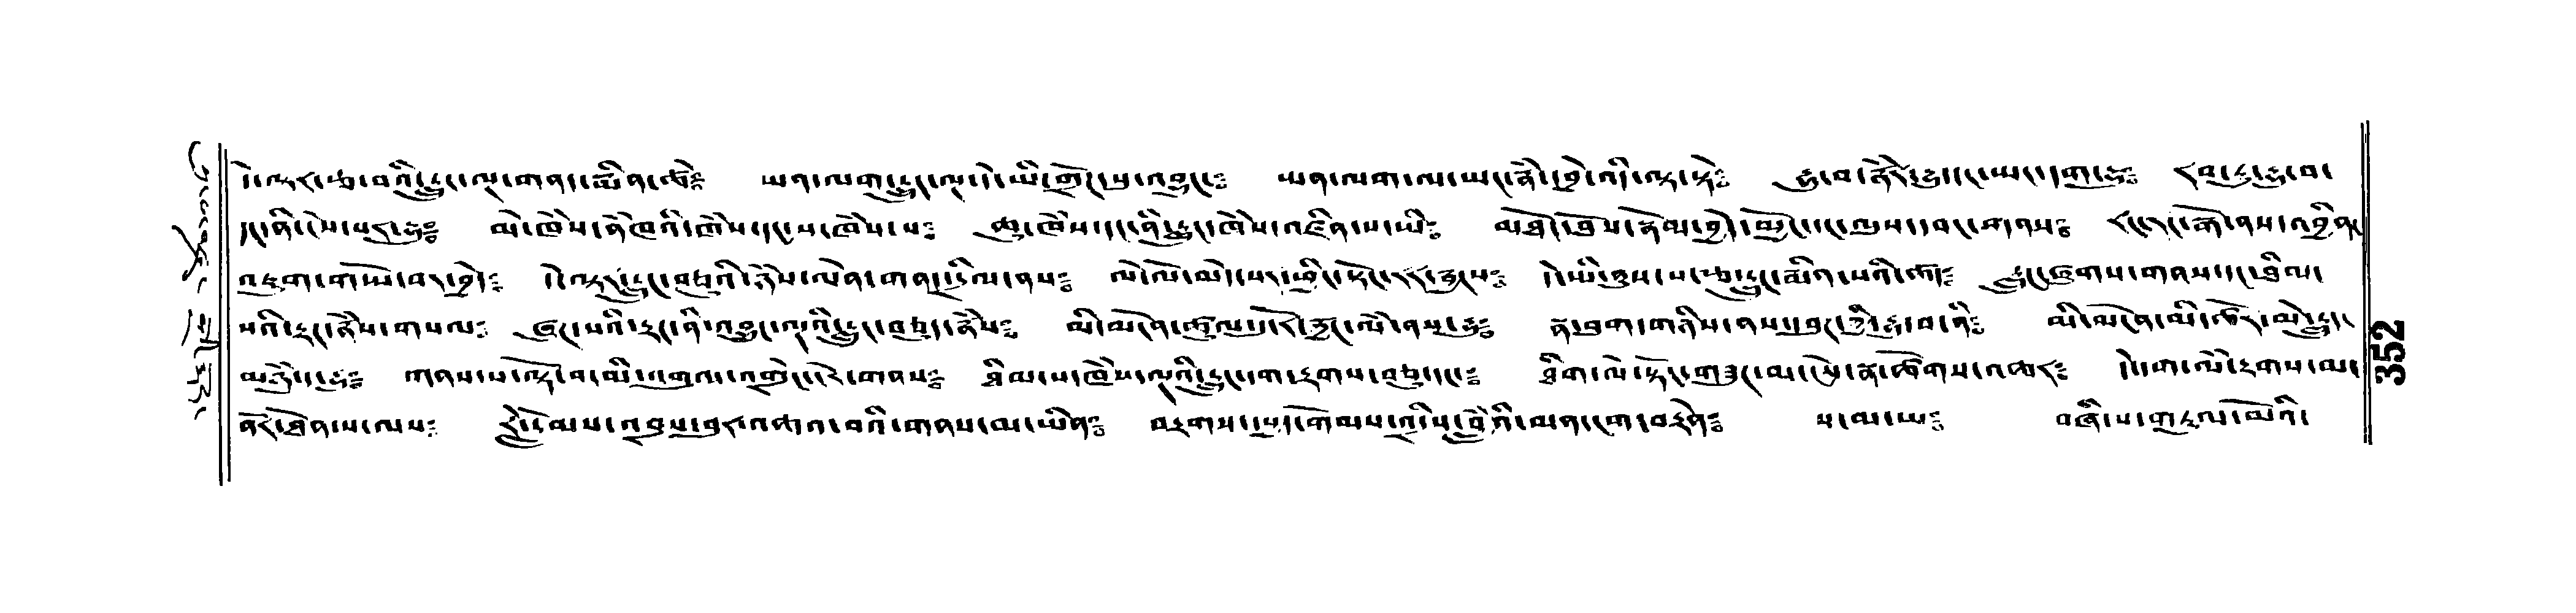དེ་ལྟར་རྩ་བའི་རླུང་ལྔ་གནད་སྨིན་ཚེ༔ ཡན་ལག་རླུང་ལྔ་དེ་ཡི་གྲོགས་སུ་འབྱུང༔ ཡན་ལག་ལ་ཡང་རྣམ་དབྱེ་འདི་ལྟ་སྟེ༔ རྒྱུ་བ་རྣམ་པར་རྒྱུ་དང་ཡང་དག་རྒྱུ༔ རབ་ཏུ་རྒྱུ་བ་
དང་ནི་ངེས་པར་རྒྱུ༔ མེ་ཁམས་ནམ་མཁའི་ཁམས་དང་ས་ཁམས་པ༔ ཆུ་ཁམས་དང་ནི་རླུང་ཁམས་འཛིན་པ་ཡི༔ མཐོང་ཐོས་སྣོམ་བྱེད་མྱོང་དང་ལུས་དབང་གནས༔ རང་རང་སྒོ་ནས་འབྱིན་
འཇུག་གཡོ་བར་བྱེད༔ དེ་ལྟར་རླུང་བཅུའི་ཉམས་ལེན་གནད་དྲིལ་ནས༔ ལེ་ལོ་མེད་པར་ཕྱི་ནང་སྟོང་རར་སྦྱངས༔ དེ་ཡི་ནུས་པ་རྩ་རླུང་སྨིན་པའི་ཚད༔ རླུང་ཞུགས་གནས་དང་ཐིམ་
པའི་རྟགས་རྣམས་གསལ༔ ཞུགས་པའི་རྟགས་ནི་འབྱུང་ལྔའི་རླུང་བཅུད་རྣམས༔ མི་མངོན་ཚུལ་དུ་རོ་རྐྱང་ལམ་ནས་རྒྱུ༔ སྣ་བུག་གཉིས་ནས་དབུགས་ཀྱི་རྒྱུ་བ་ནི༔ མི་མངོན་མི་ཚོར་མེ་རླུང་
མཉམ་དུ་རྒྱུ༔ གནས་པ་ལྟོ་བ་མི་འགུལ་འགྲེང་ངེར་གནས༔ ཐིམ་པ་ཁམས་ལྔའི་རླུང་དག་རྟགས་བཅུ་དང༔ཐིག་ལེ་སྟོང་གཟུགས་མ་ངེས་སྣ་ཚོགས་འཆར༔ དེ་དག་ལམ་རྟགས་མ་
ནོར་ཐོན་པ་ལས༔ རེ་རློམས་འབྲས་བུར་འཆའ་བའི་གནས་མ་ཡིན༔ བརྟགས་དཔྱད་གོམས་འདྲིས་བླ་མའི་མན་ངག་བརྟེན༔ ས་མ་ཡ༔ བཞི་པ་གཏུམ་མོའི་